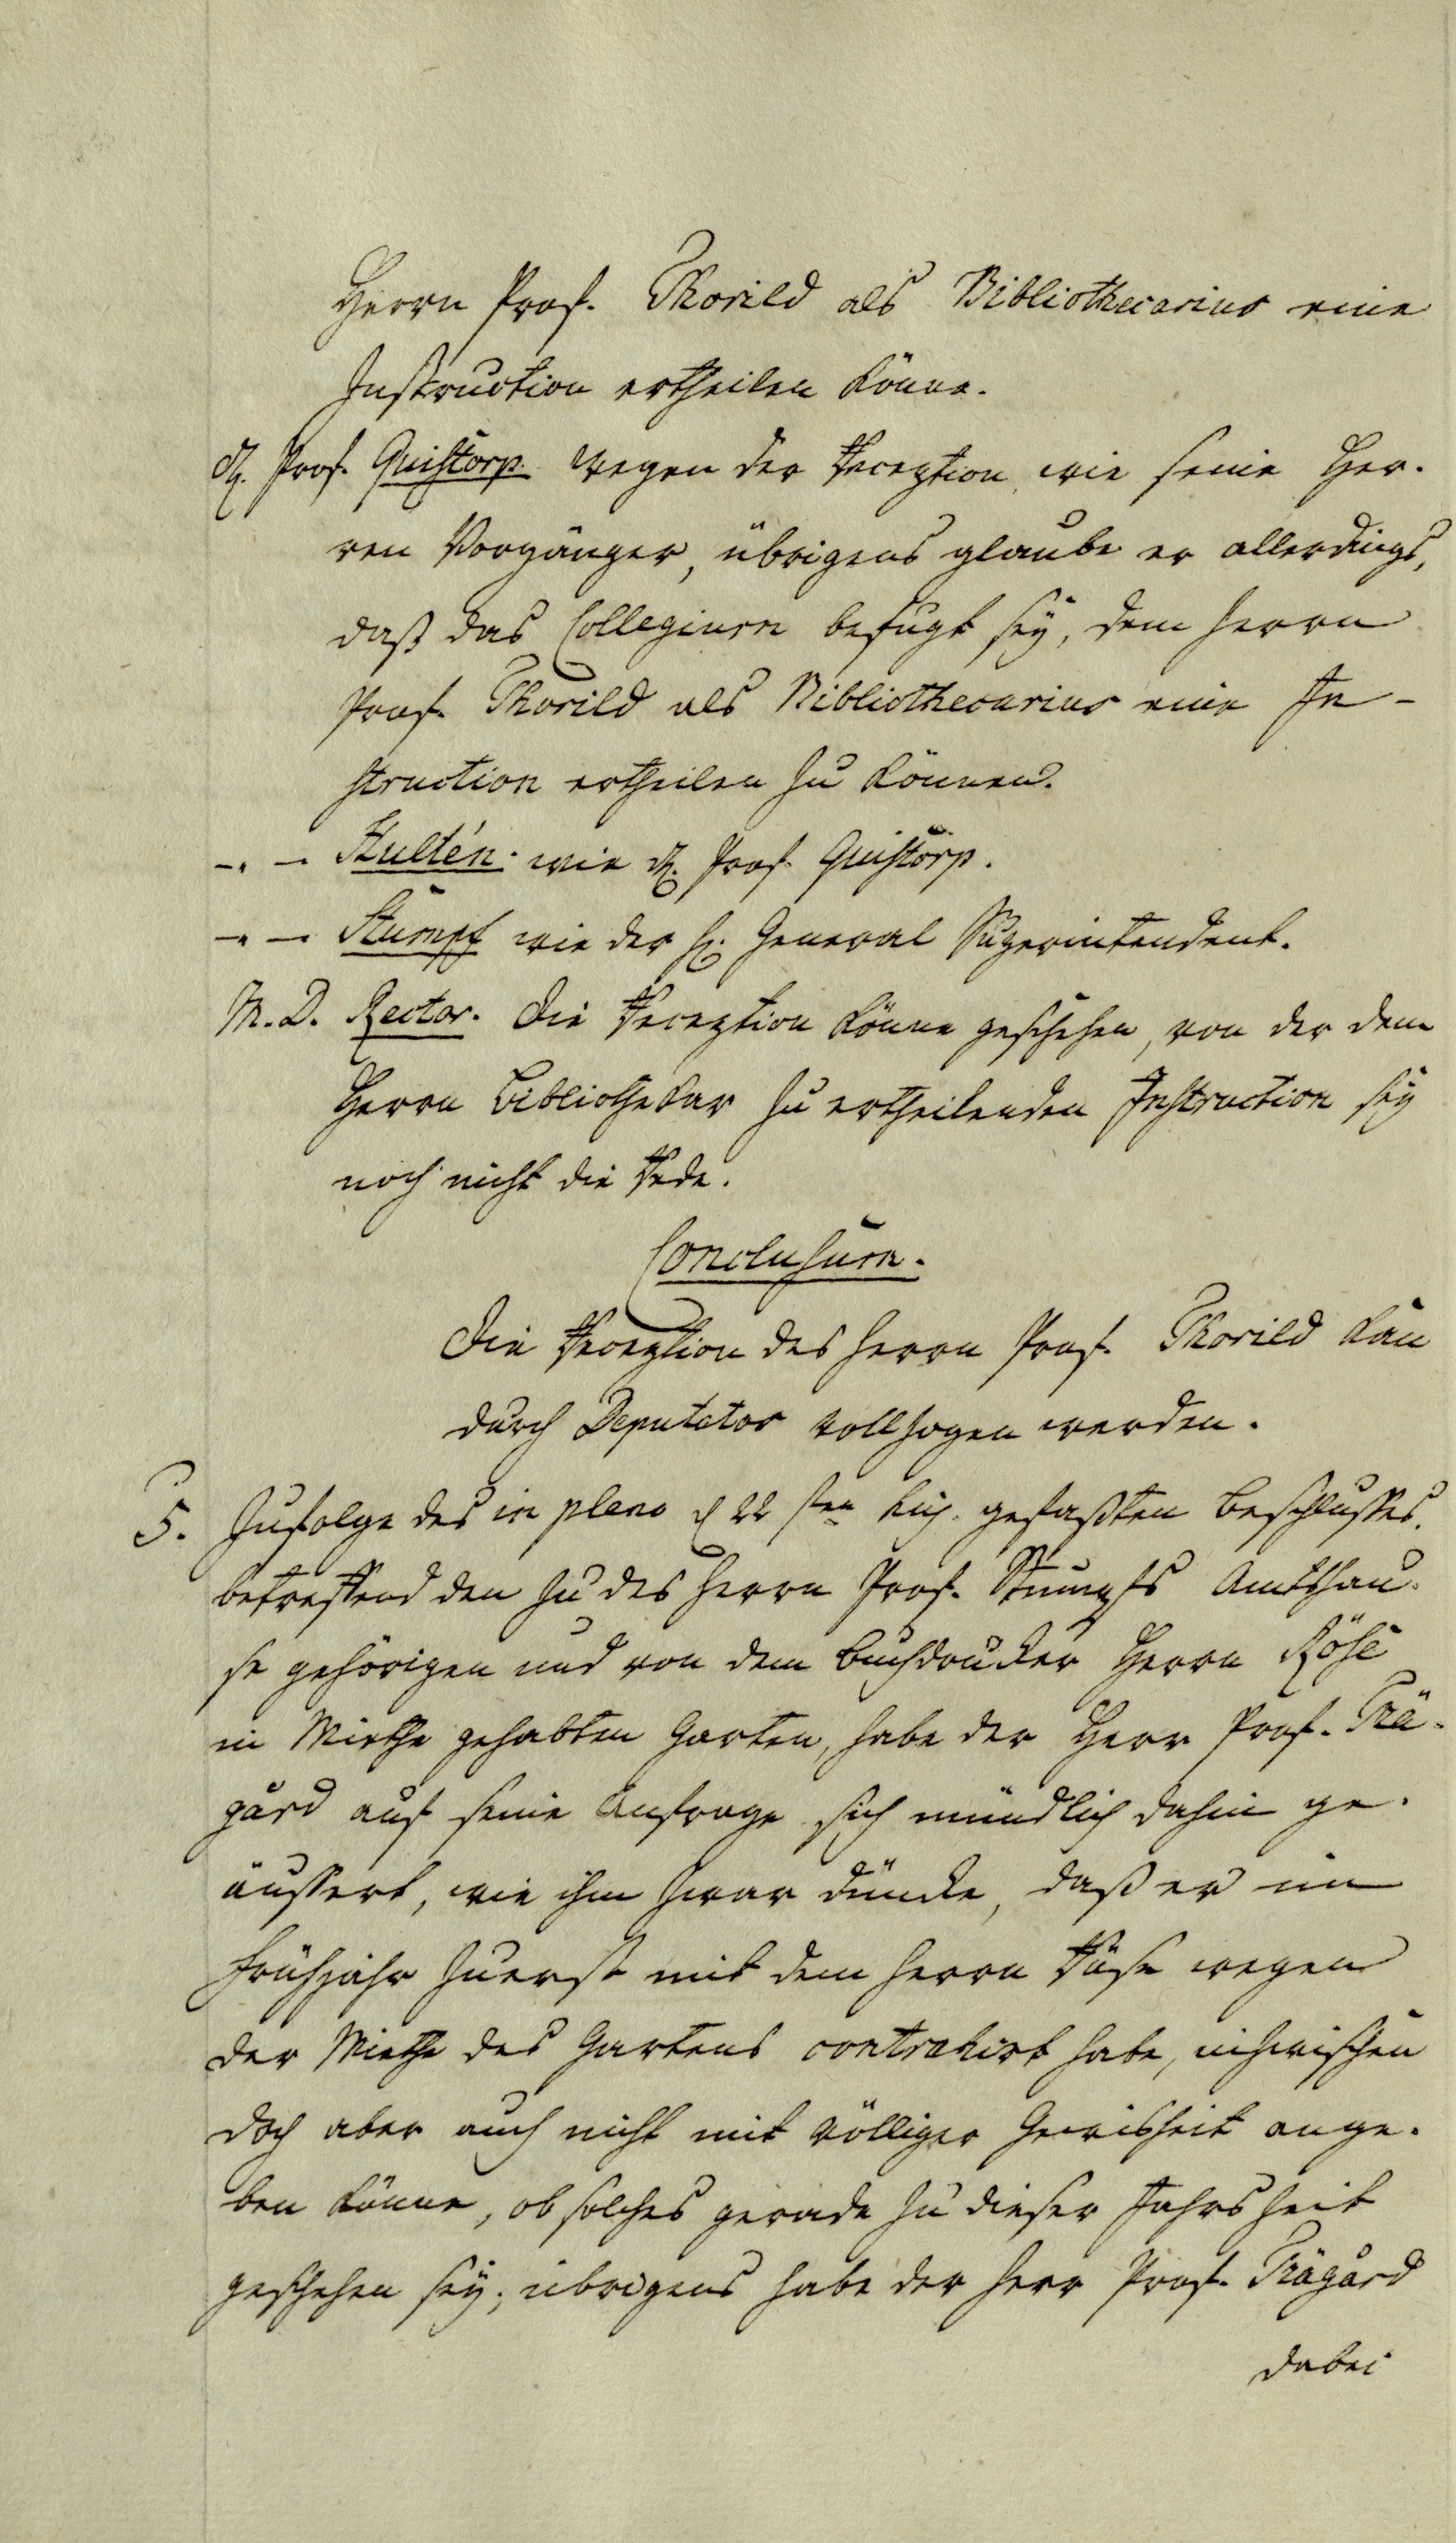Herrn Prof. Thorild als Bibliothecarius eine
Instruction ertheilen könne.
dh. Prof. Quistorp. Wegen der Reception wie seine Her¬
ren Vorgänger, übrigens glaube er allerdings,
daß das Collegium befugt seÿ, dem Herrn
Prof. Thorild als Bibliothecarius eine In¬
struction ertheilen zu können.
Hultén. wie dh. Prof. Quistorp.
Stumpf wie der H. General Superintendent.
M. D. Rector. Die Reception könne geschehen, von der dem
Herrn Bibliothekar zu ertheilenden Instruction seÿ
noch nicht die Rede.
Conclusum.
Die Reception des Herrn Prof. Thorild kan
durch Deputatos vollzogen werden.
5. Zufolge des in pleno d 22 ten huj. gefaßten Beschlusses,
betreffend den zu des Herrn Prof. Stumpfs Amtshau¬
se gehörigen und von dem Buchdrucker Herrn Röse
in Miethe gehabten Garten, habe der Herr Prof. Trä¬
gård auf seine Anfrage sich mündlich dahin ge¬
äussert, wie ihm zwar düncke, daß er im
Frühjahr zuerst mit dem Herrn Röse wegen
der Miethe des Gartens contrahirt habe, inzwischen
doch aber auch nicht mit völliger Gewisheit ange¬
ben könne, ob solches gerade zu dieser Jahrszeit
geschehen seÿ; übrigens habe der Herr Prof. Trägård
dabei